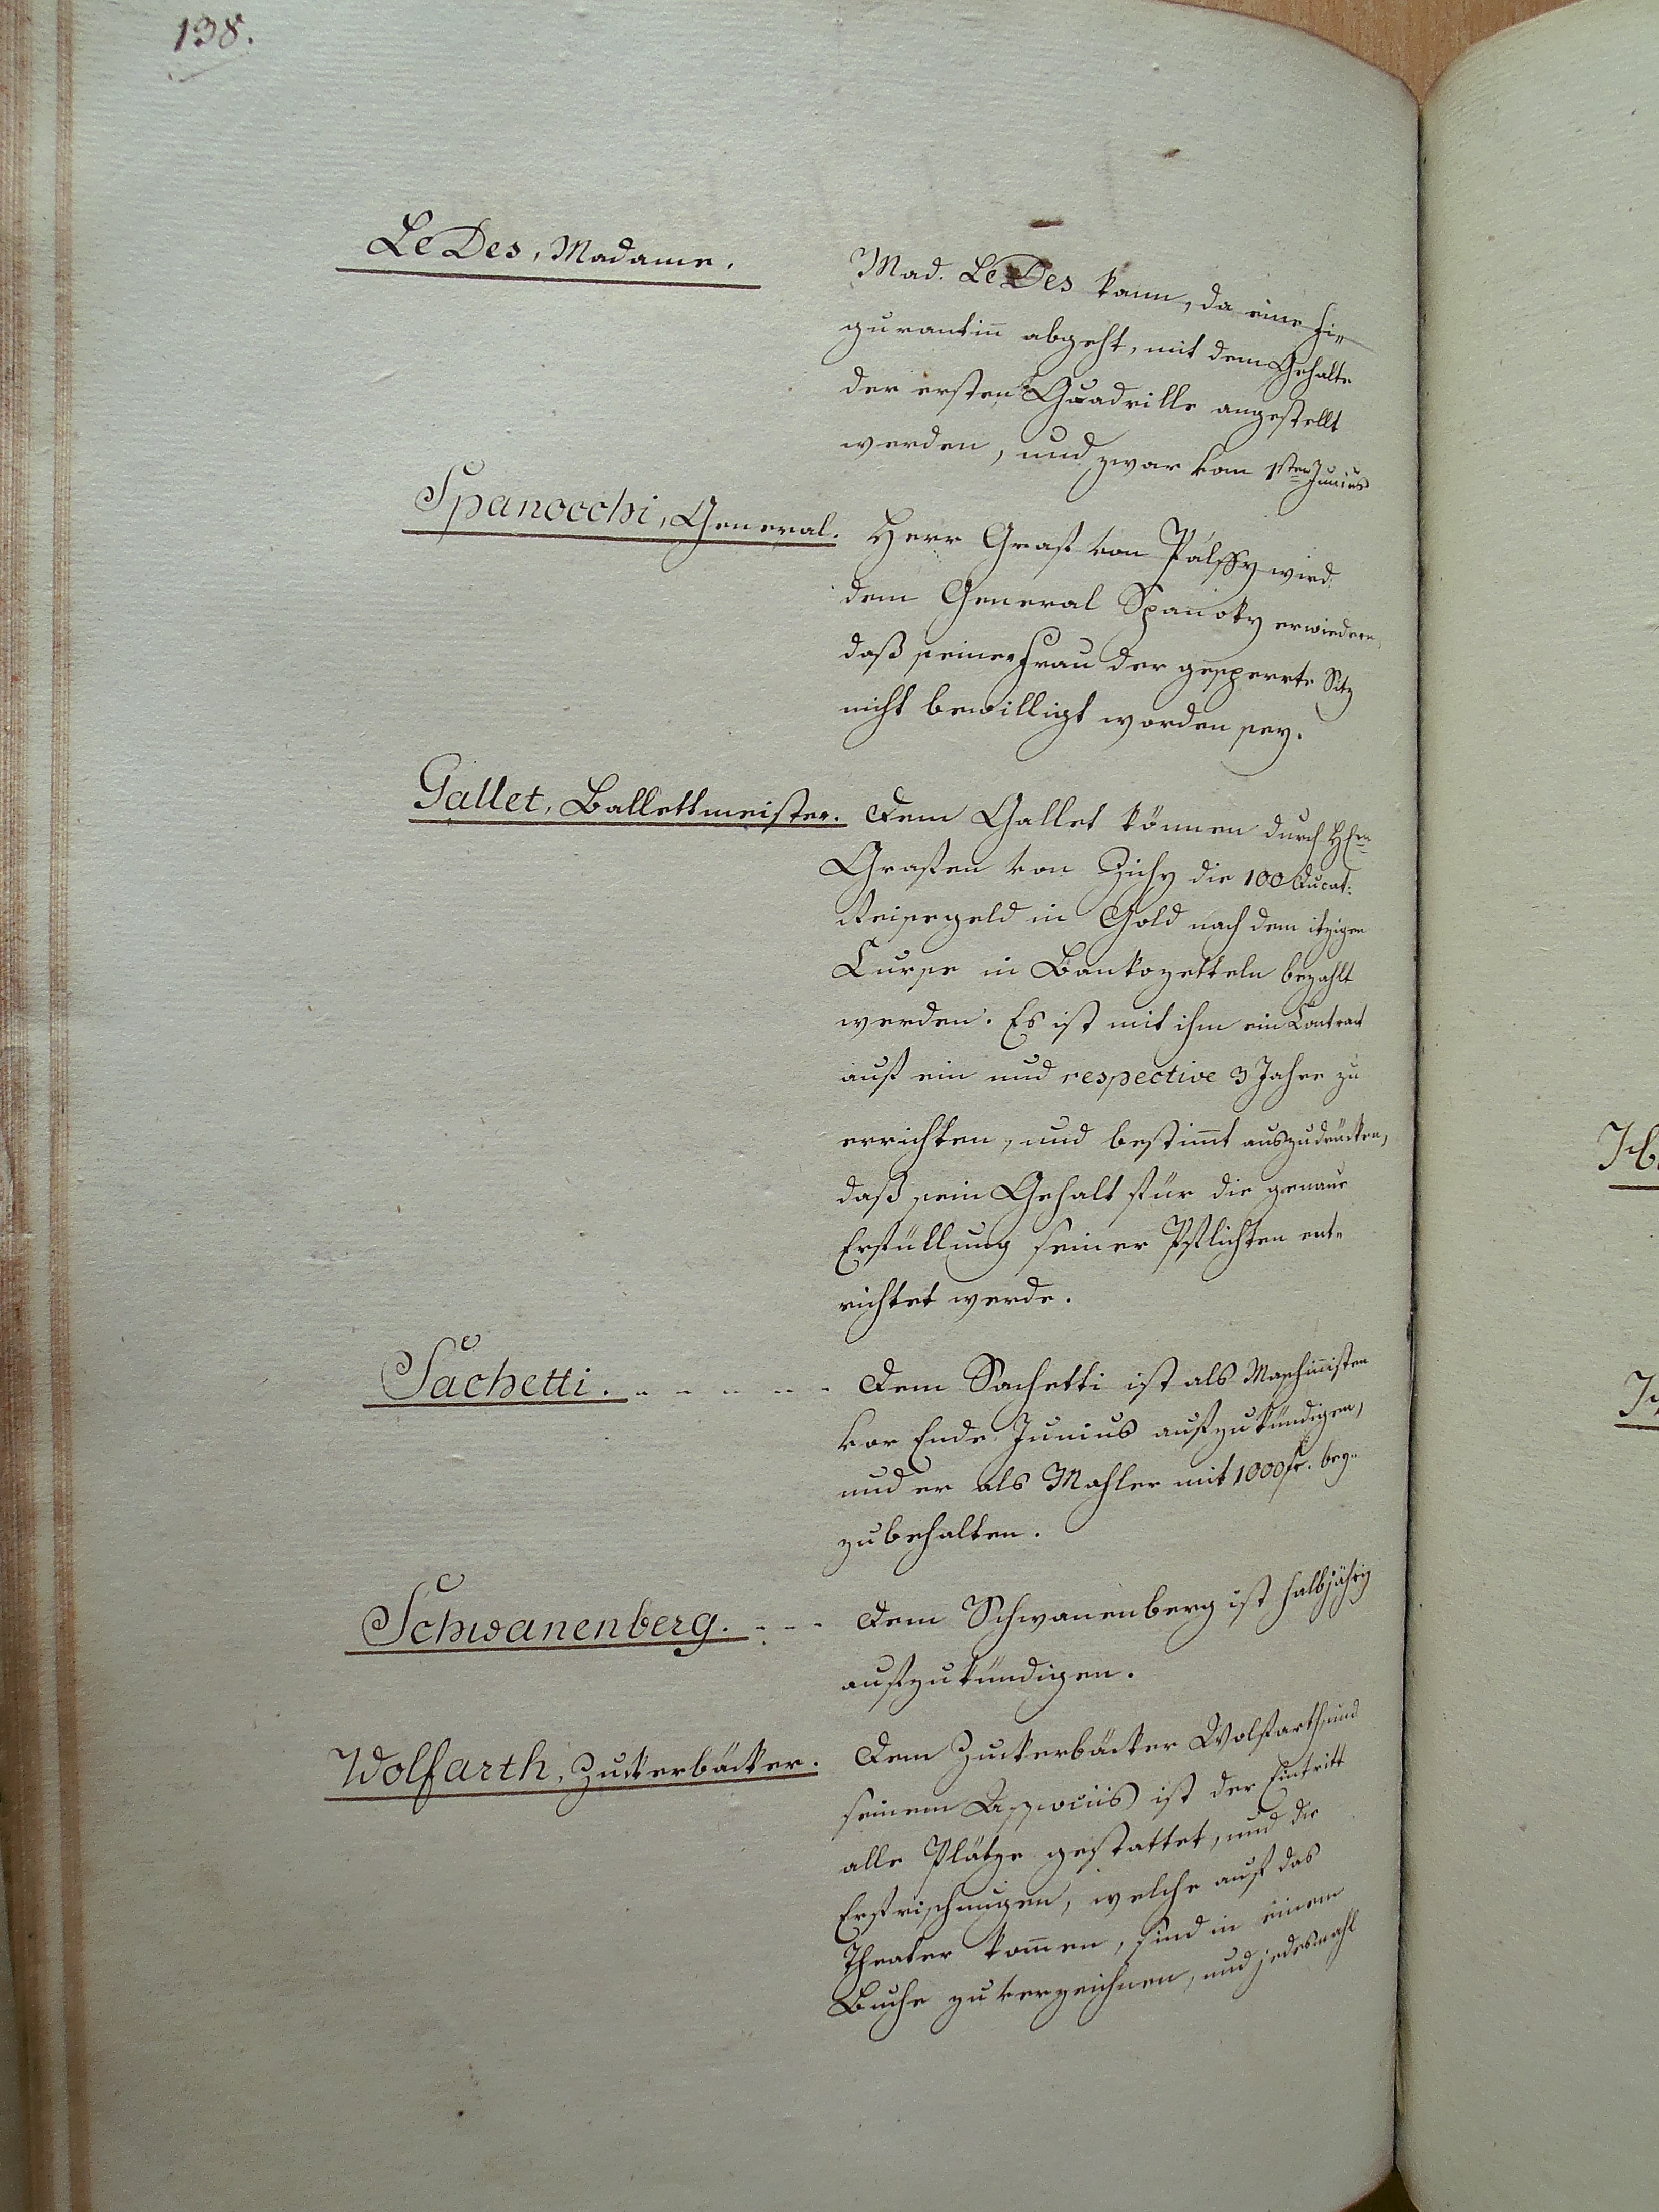138.
Le Des, Madame. Mad. Le Des kann, da eine Fi¬
gurantin̅ abgeht, mit dem Gehalte
der ersten Quadrille angestellt
werden, und zwar vom 1ste͇n Junius.
Spanocchi, General. Herr Graf von Pálffy wird
dem General Spanoky erwirdern
daß seiner Frau der gesperrte Sitz
nicht bewilligt worden sey.
Gallet, Ballettneister. Dem Gallet können durch HEr͇n
Grafen von Zichy die 100 Ducat.
Reisegeld in Gold nach dem itzigen
Curse in Bankozetteln bezahlt
werden. Es ist mit ihm ein Contract
auf ein und respective 3 Jahre zu
errichten, und bestim̅t auszudrücken,
daß sein Gehalt für die genaue
Erfüllung seiner Pflichten ent¬
richtet werde.
Sachetti. .. .. .. .. .. Dem Sachetti ist als Maschin̅isten
vor Ende Junius aufzukündigen,
und er als Mahler mit 1000fr. bey¬
zubehalten.
Schwanenberg. .. .. .. Dem Schwanenberg ist halbjährig
aufzukündigen.
Wolfarth, Zuckerbäcker. Dem Zuckerbäcker Wolfarth und
seinem Associis ist der Eintritt
alle Plätze gestattet, und die
Efrischungen, welche auf das
Theater kom̅en, sind in einem
Buche zu verzeichmen, und jedesmahl